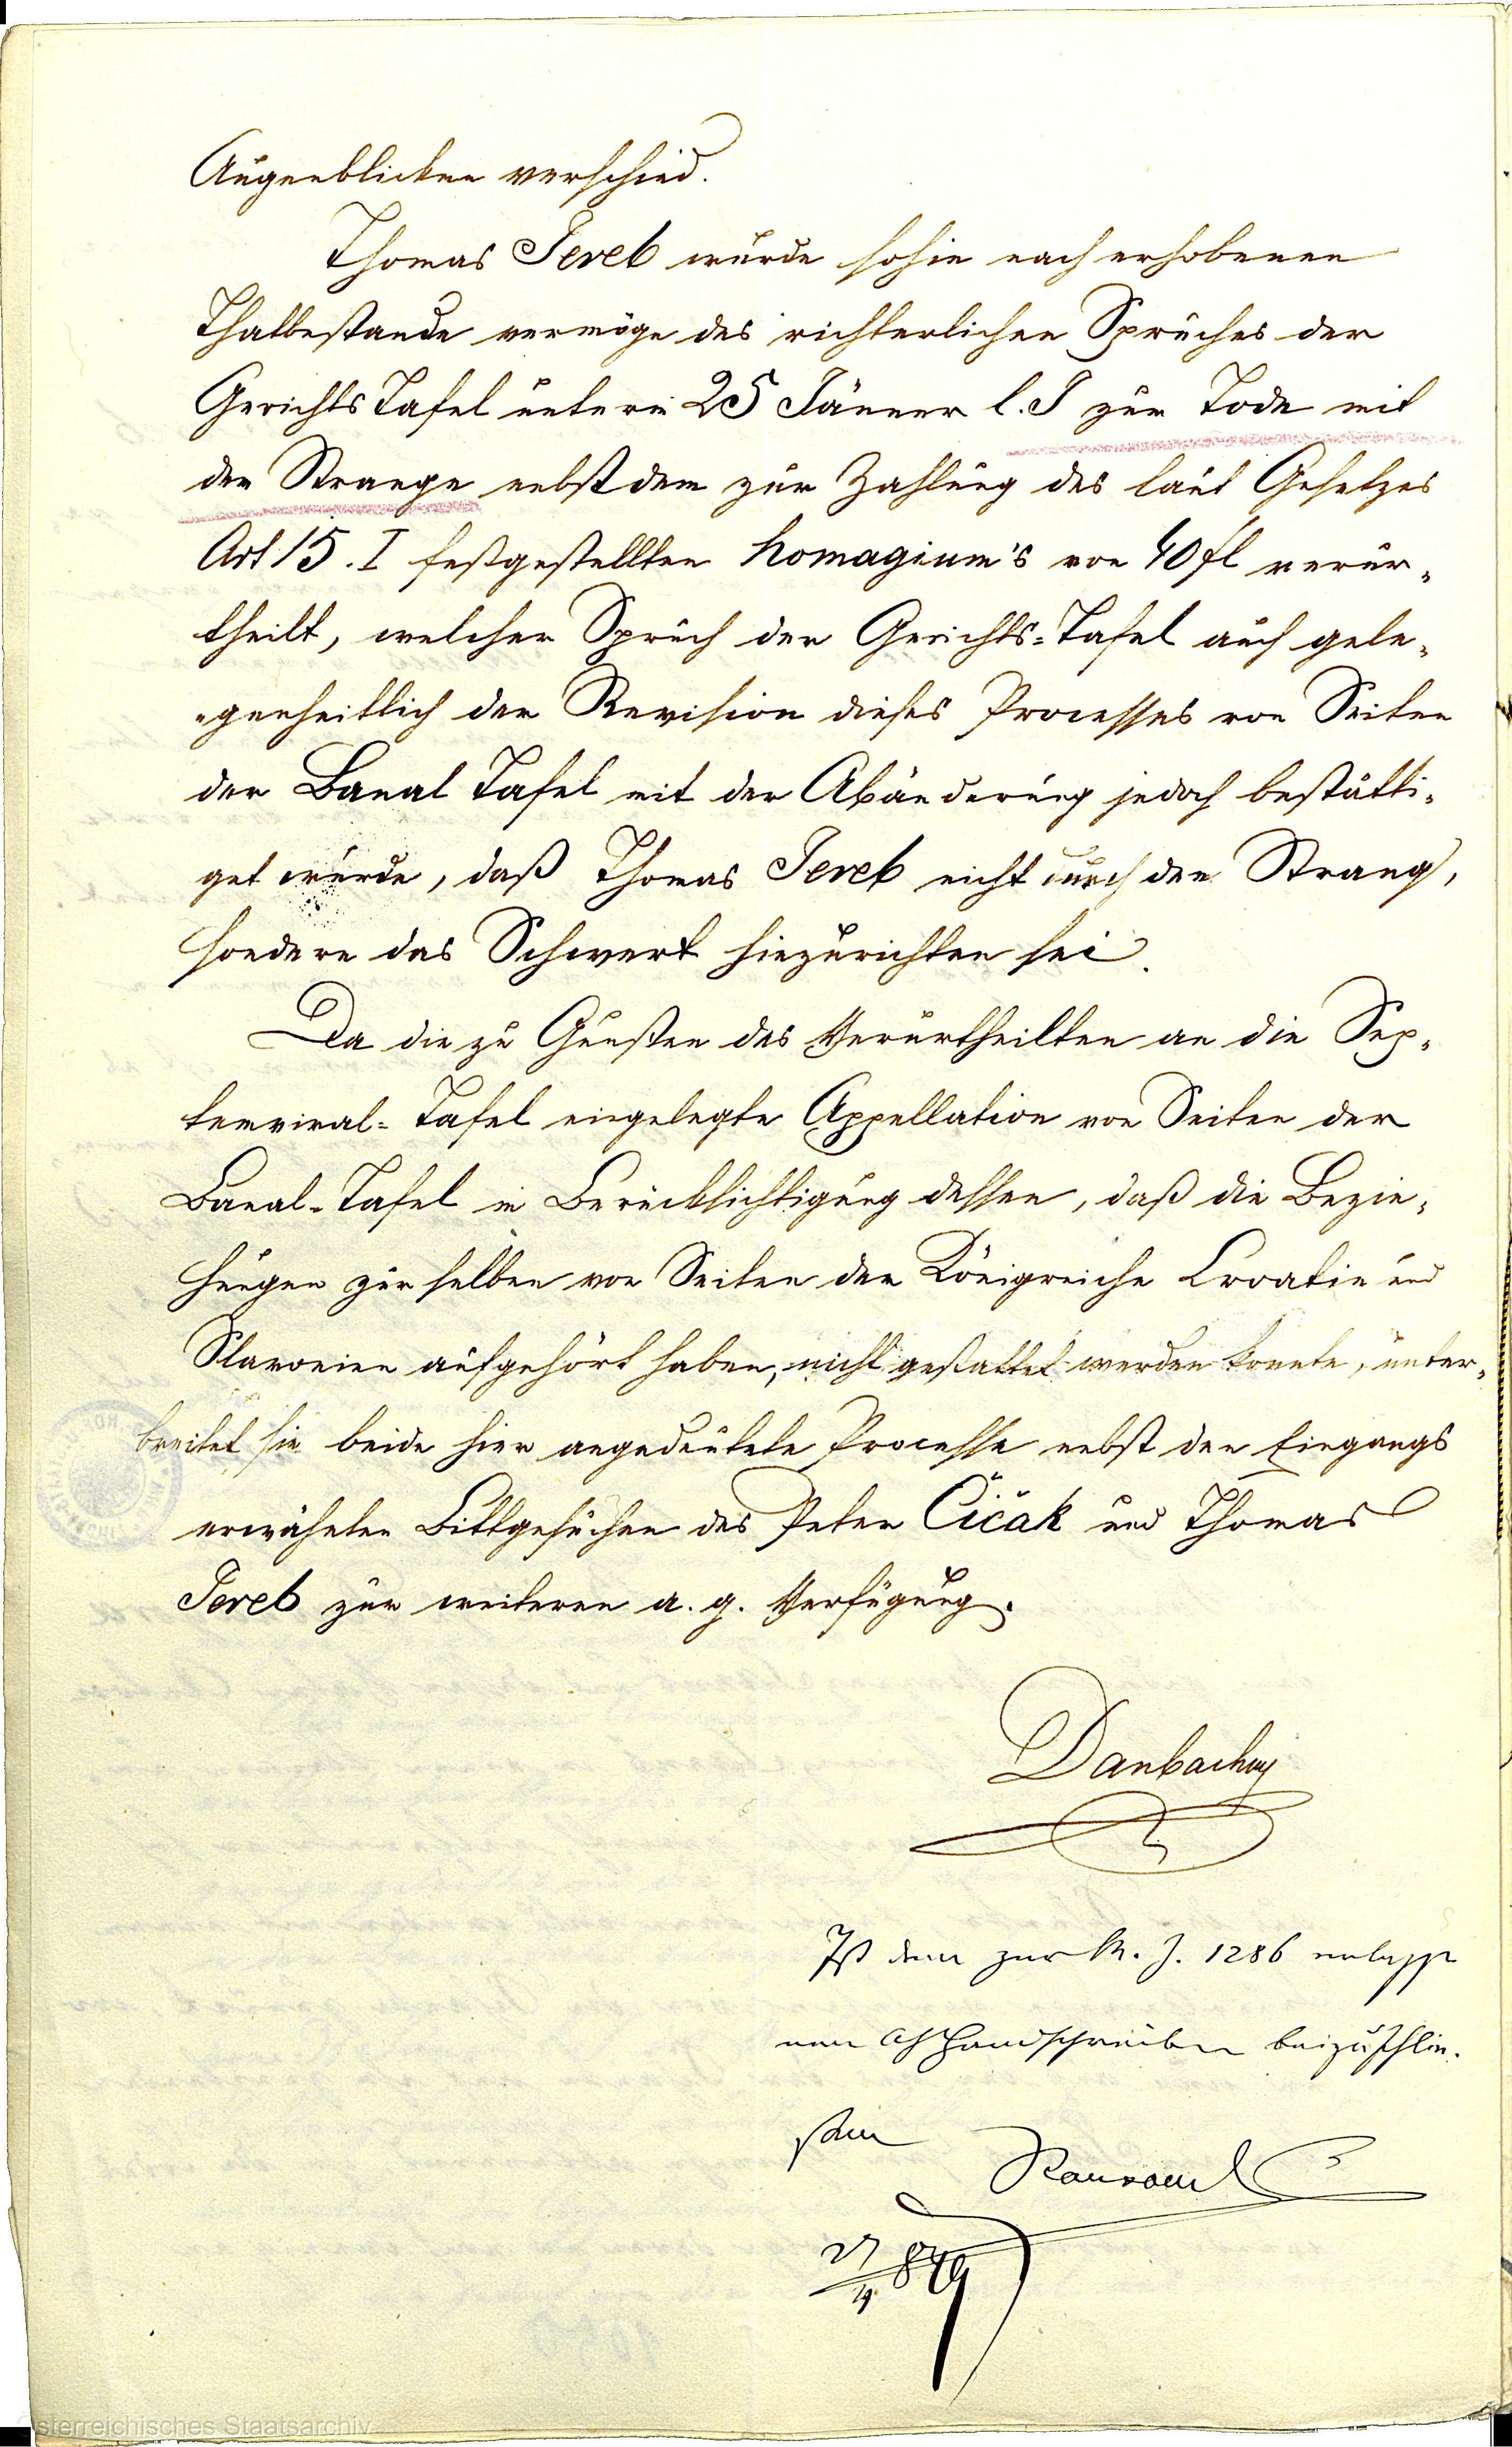Augenblicken verschied.
Thomas Jereb wurde sohin nach erhobenen
Thatbestande vermöge des richterlichen Spruches der
Gerichts Tafel unterm 25 Jänner l. J. zum Tode mit
dem Strange nebstdem zur Zahlung des laut Gesetzes
Art 15. I festgestellten Homagium’s von 40fl verur¬
theilt, welcher Spruch der Gerichts-Tafel auch gele¬
genheitlich der Revision dieses Processes von Seiten
der Banal Tafel mit der Abänderung jedoch bestätti¬
get wurde, daß Thomas Jereb nicht durch den Strang,
sondern das Schwert hinzurichten sei.
Da die zu Gunsten des Verurtheilten an die Sep¬
temviral-Tafel eingelegte Appellation von Seiten der
Banal-Tafel in Berücksichtigung dessen, daß die Bezie¬
hungen zur selben von Seiten der Königreiche Croatien und
Slavonien aufgehört haben, nicht gestattet werden konnte, unter¬
breitet sie beide hier angedeutete Processe nebst den Eingangs
erwähnten Bittgesuche des Peter Čičak und Thomas
Jereb zur weiteren a.g. Verfügung.
Daubachy
Ist dem zur M.Z. 1286 erlassenen
Ah Handschreiben beizuschlie¬
ßen.
Rauvam
27/
29
849